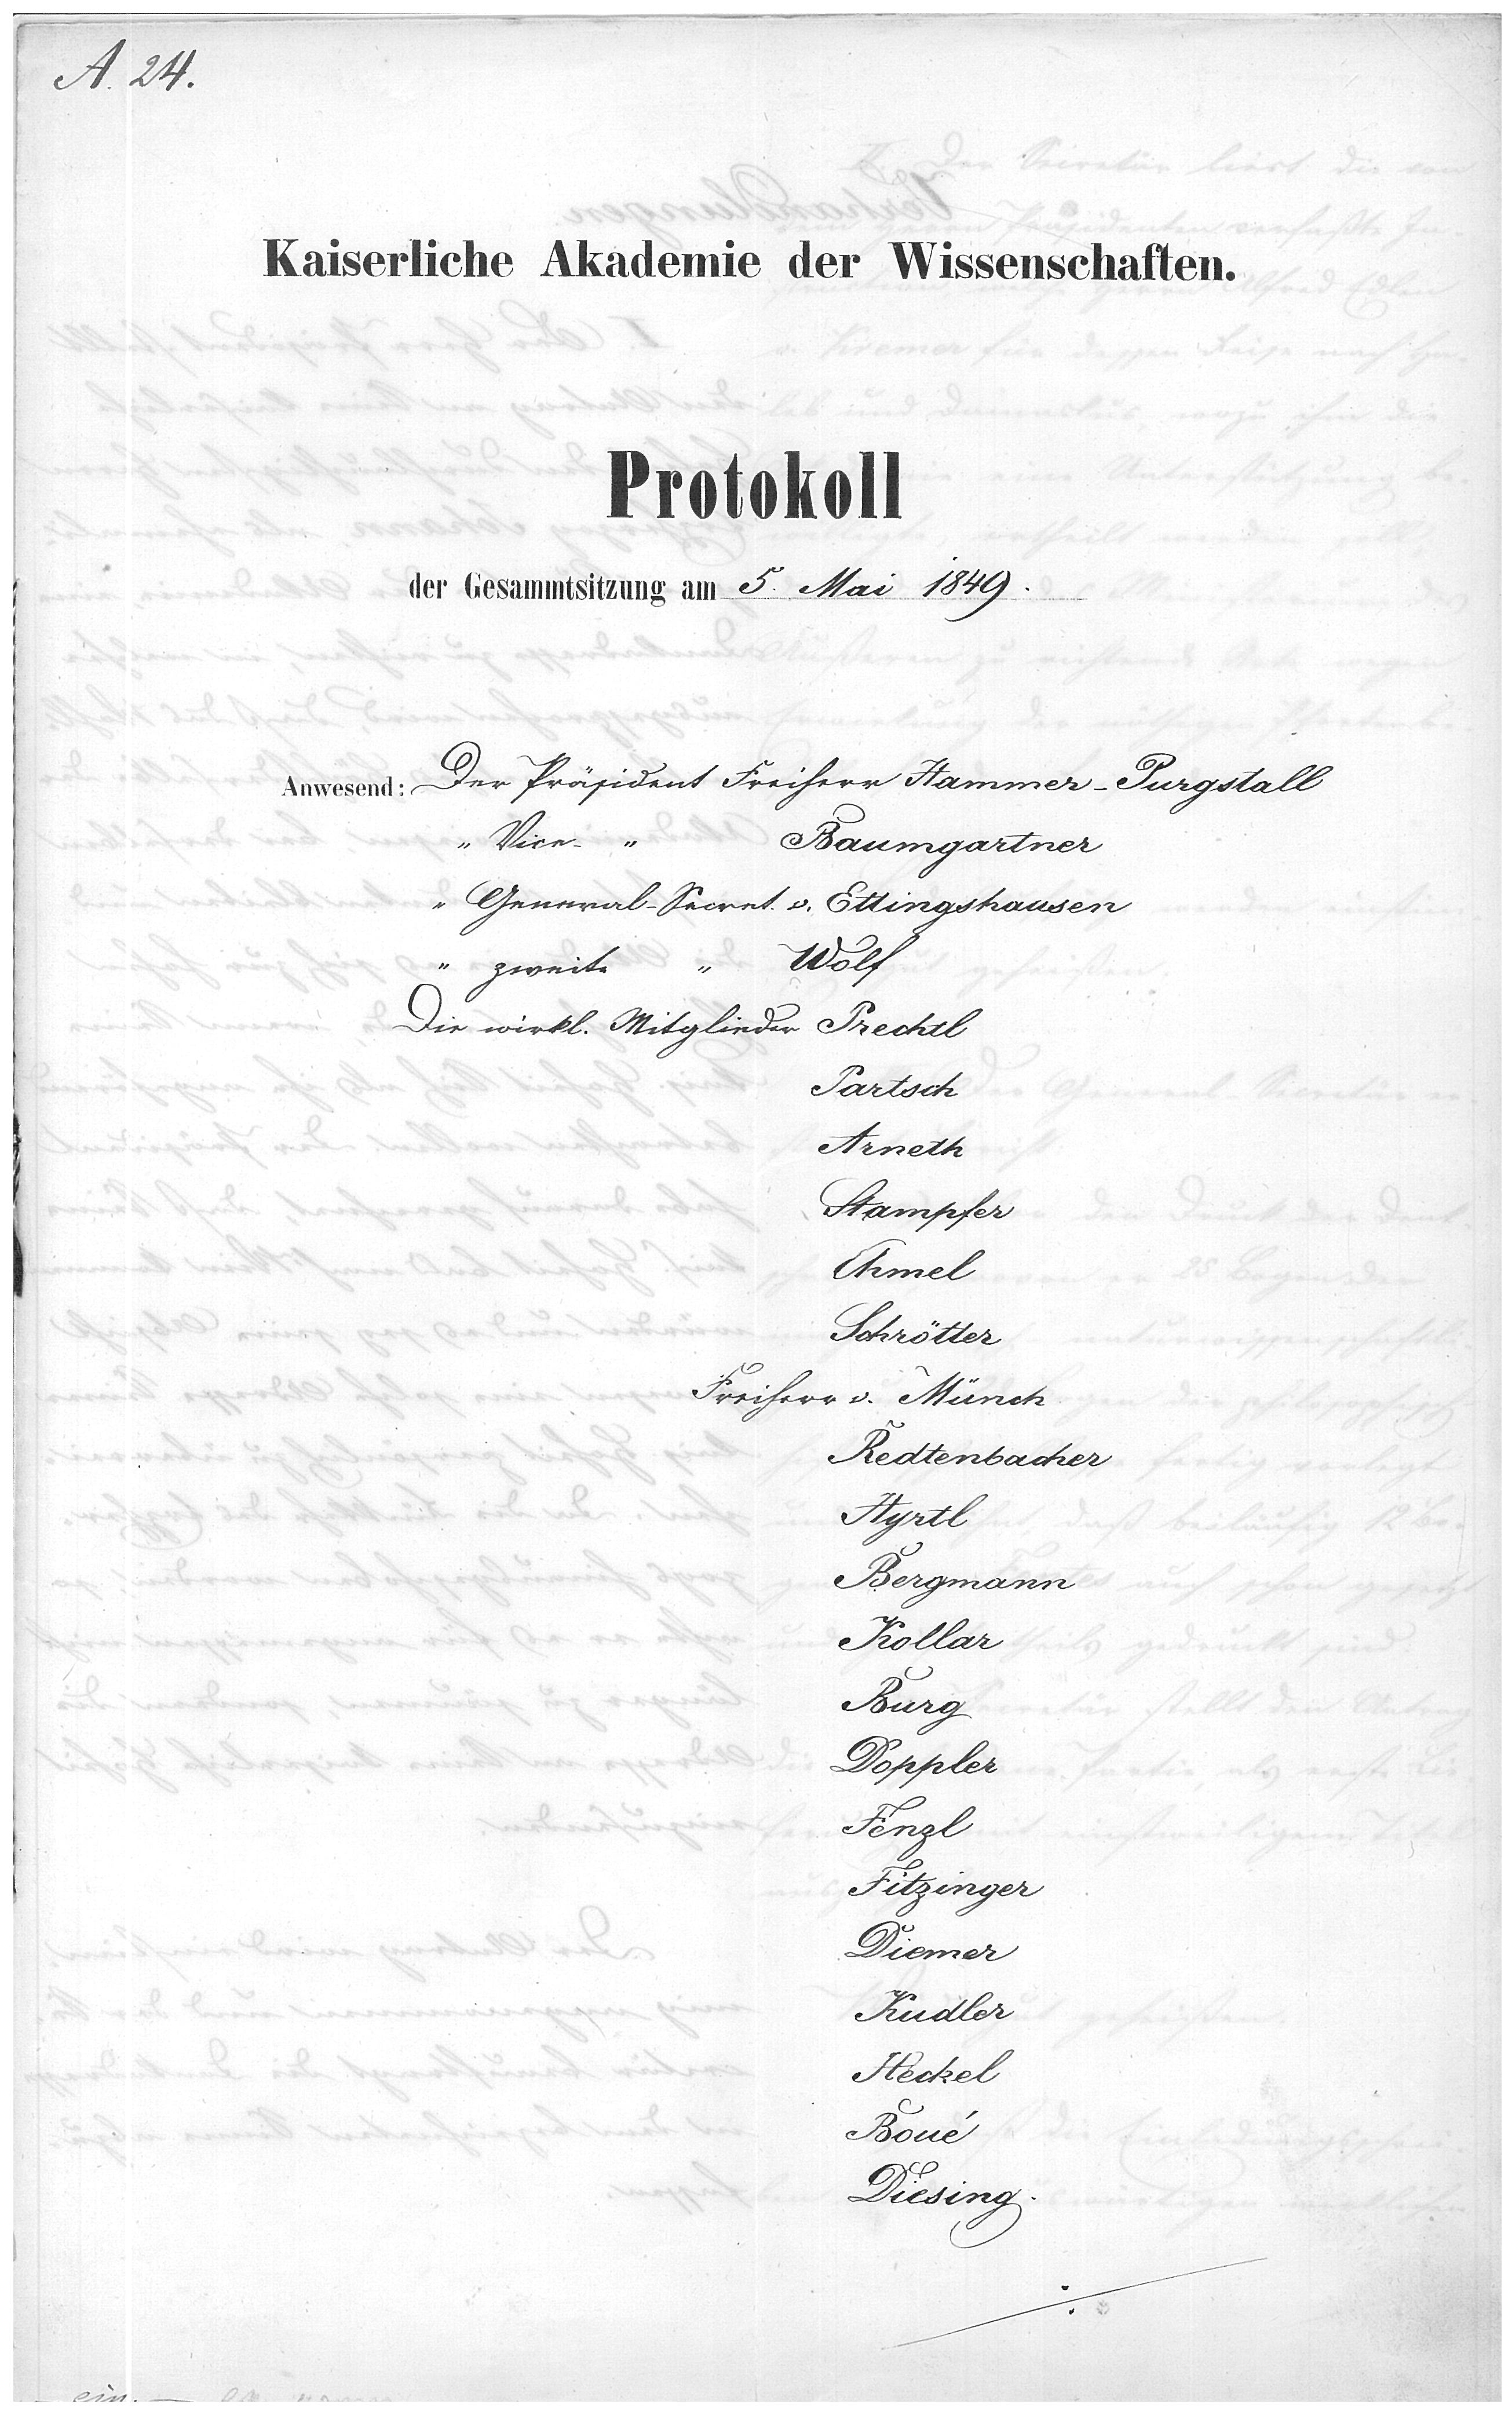A. 24.
Kaiserliche Akademie der Wissenschaften.
Protokoll
der Gesammtsitzung am 5. Mai 1849.
Der Präsident Freiherr Hammer-Purgstall
Anwesend:
" Vice- " Baumgartner
" General-Secret. v. Ettingshausen
" zweite " Wolf
Die wirkl. Mitglieder Prechtl
Partsch
Arneth
Stampfer
Chmel
Schrötter
Freiherr v. Münch
Redtenbacher
Hyrtl
Bergmann
Kollar
Burg
Doppler
Fenzl
Fitzinger
Diemer
Kudler
Heckel
Boué
Diesing